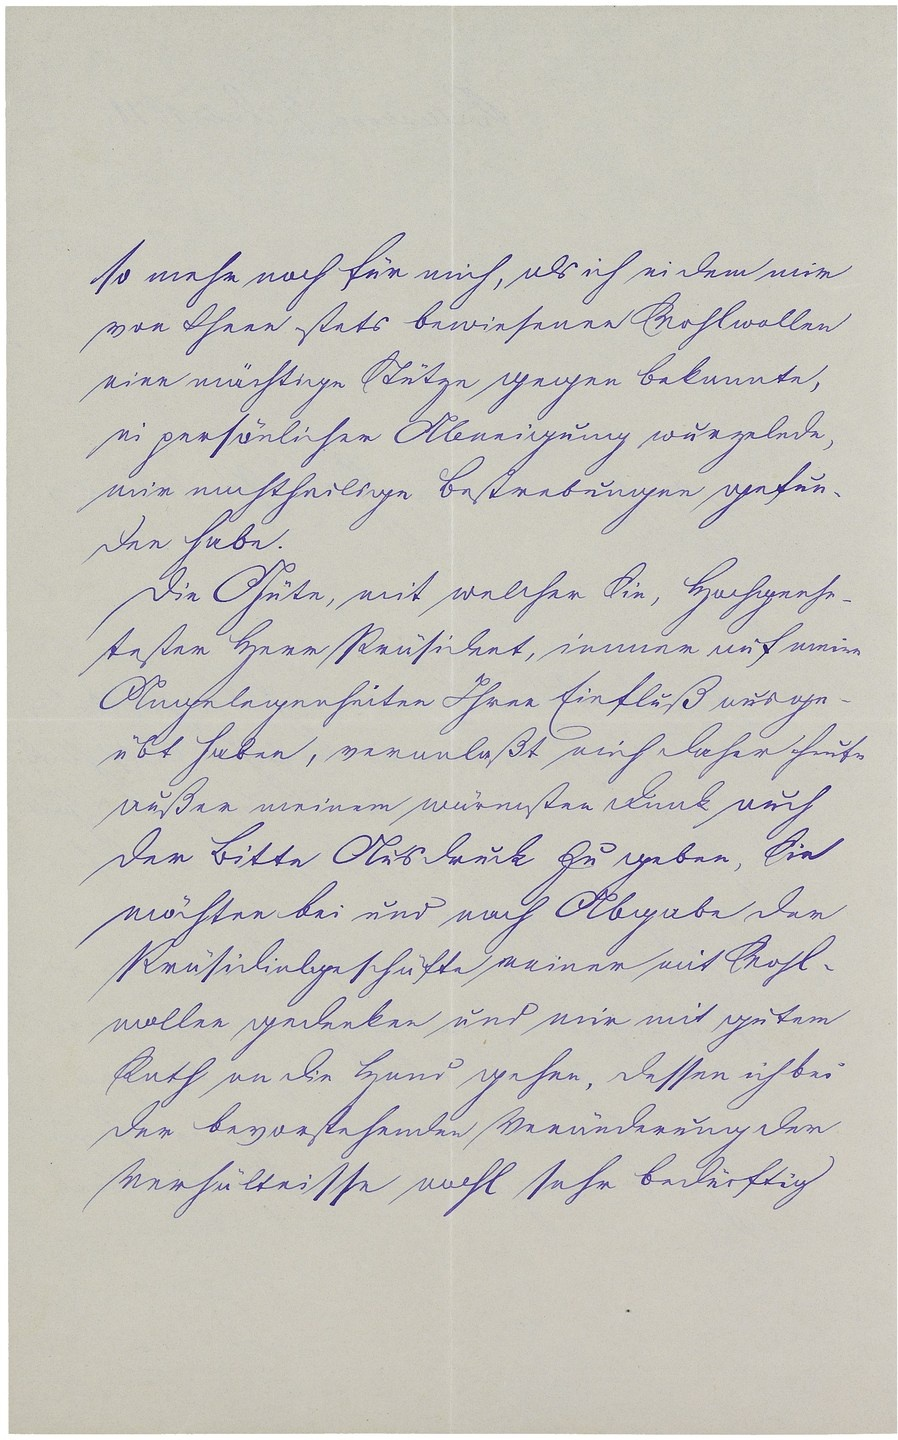so mehr noch für mich, als ich in dem mir
von Ihnen stets bewiesenen Wohlwollen
eine mächtige Stütze gegen bekannte,
in persönlicher Abneigung wurzelnde,
mir nachtheiligen Bestrebungen gefun-
den habe.
Die Güte, mit welcher Sie, hochgeehr-
tester Herr Präsident, immer auf meine
Angelegenheiten Ihren Einfluß ausge-
übt haben, veranlaßt mich daher heute
außer meinem wärmsten Dank auch
der Bitte Ausdruck zu geben, Sie
möchten bei und nach Abgabe der
Präsidialgeschäfte meiner mit Wohl-
wollen gedenken und mir mit gutem
Rath an die Hand gehen, dessen ich bei
der bevorstehenden Veränderung der
Verhältnisse wohl sehr bedürftig